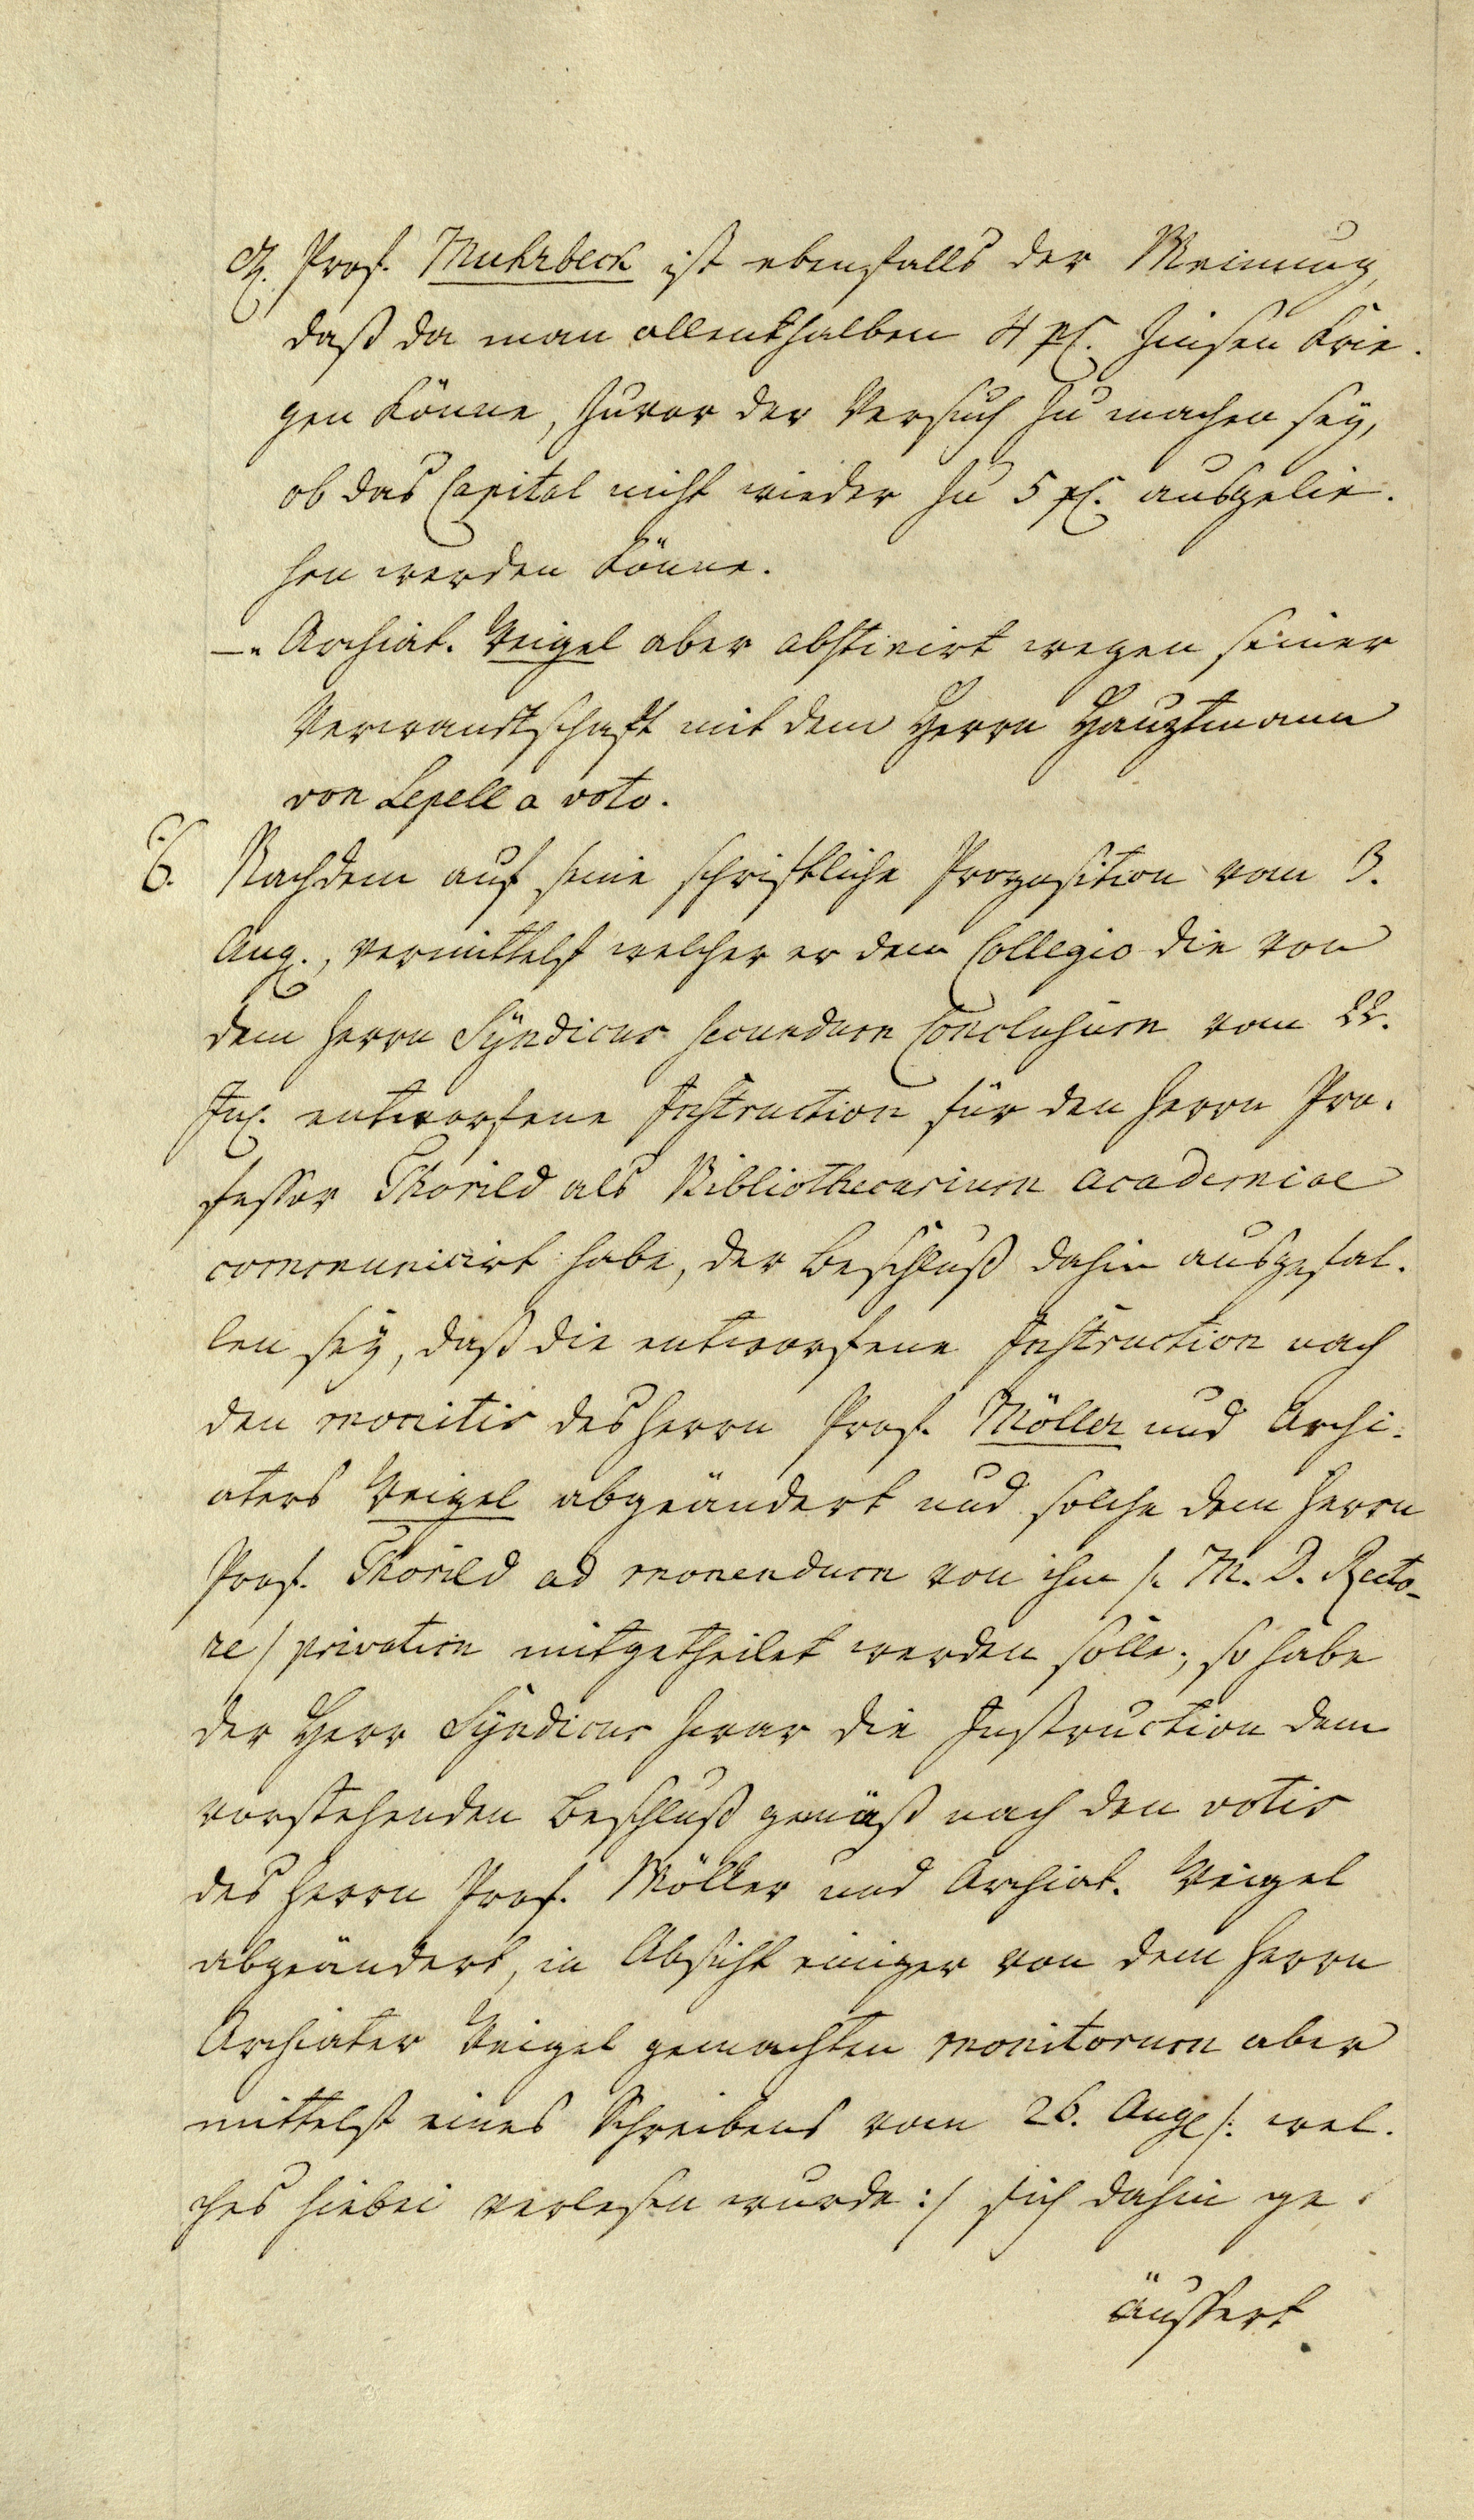dh. Prof. Muhrbeck ist ebenfalls der Meinung,
daß da man allenthalben 4 pl. Zinsen krie¬
gen könne, zuvor der Versuch zu machen seÿ,
ob das Capital nicht wieder zu 5 pl. ausgelie¬
hen werden könne.
Archiat. Weigel aber abstinirt wegen seiner
Verwandtschaft mit dem Herrn Hauptmann
von Lepell a voto.
6. Nachdem auf seine schriftliche Proposition vom 3.
Aug., vermittelst welcher er dem Collegio die von
dem Herrn Sÿndicus secundum Conclusum vom 22.
Jul. entworfene Instruction für den Herrn Pro¬
fessor Thorild als Bibliothecarium Academiae
communicirt habe, der Beschluß dahin ausgefal¬
len seÿ, daß die entworfene Instruction nach
den monitis des Herrn Prof. Möller und Archi¬
aters Weigel abgeändert und solche dem Herrn
Prof. Thorild ad monendum von ihm /. M. D. Recto¬
re / privatim mitgetheilet werden solle; so habe
der Herr Sÿndicus zwar die Instruction dem
vorstehenden Beschluß gemäß nach den votis
des Herrn Prof. Möller und Archiat. Weigel
abgeändert, in Absicht einiger von dem Herrn
Archiater Weigel gemachten monitorum aber
mittelst eines Schreibens vom 26. Aug. /: wel¬
ches hiebei verlesen wurde :/ sich dahin ge¬
äussert